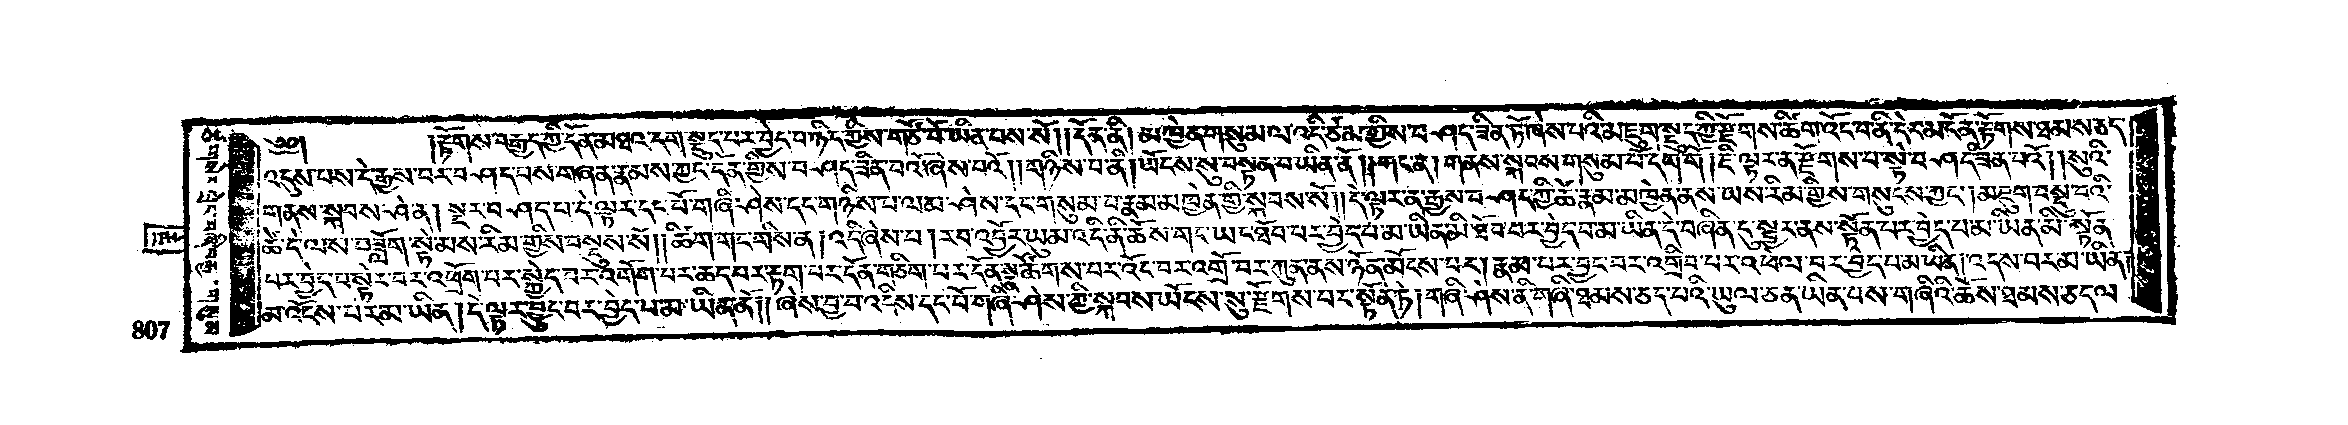༄༅། །རྟོགས་བརྒྱད་ཀྱི་དོན་མཐའ་དག་སྡུད་པར་བྱེད་པ་ཉིད་ཀྱིས་གཙོ་བོ་ཡིན་པས་སོ། །དོན་ནི། མཁྱེན་གསུམ་ལ་འདི་ཙམ་གྱིས་བཤད་ཟིན་ཏོ་ཞེས་པའི་མཇུག་སྡུད་ཀྱི་རྫོགས་ཚིག་འོང་བ་ནི་དེར་མངོན་རྟོགས་ཐམས་ཅད་
འདུས་པས་དེ་རྒྱས་པར་བཤད་པས་གཞན་རྣམས་ཀྱང་དོན་གྱིས་བཤད་ཟིན་པའོ་ཞེས་པའོ། །གཉིས་པ་ནི། ཡོངས་སུ་བསྟན་པ་ཡིན་ནོ། །གང་ན། གནས་སྐབས་གསུམ་པོ་དག་གོ །ཇི་ལྟར་ན་རྫོགས་པ་སྟེ་བཤད་ཟིན་པའོ། །སུའི་
གནས་སྐབས་ཤེ་ན། སྔར་བཤད་པ་དེ་ལྟར་དང་པོ་གཞི་ཤེས་དང་གཉིས་པ་ལམ་ཤེས་དང་གསུམ་པ་རྣམ་མཁྱེན་གྱི་སྐབས་སོ། །དེ་ལྟར་ན་རྒྱས་བཤད་ཀྱི་ཚེ་རྣམ་མཁྱེན་ནས་ཡས་རིམ་གྱིས་གསུངས་ཀྱང་། མཇུག་བསྡུ་བའི་
ཚེ་དེ་ལས་བཟློག་སྟེ་མས་རིམ་གྱིས་བསྡུས་སོ། །ཚིག་གང་གིས་ན། འདི་ཞེས་པ། རབ་འབྱོར་ཡུམ་འདི་ནི་ཆོས་གང་ཡང་ཐོབ་པར་བྱེད་པ་མ་ཡིན་མི་ཐོབ་པར་བྱེད་པ་མ་ཡིན་དེ་བཞིན་དུ་སྦྱར་ནས་སྟོན་པར་བྱེད་པ་མ་ཡིན་མི་སྟོན་
པར་བྱེད་པ་སྟེར་བར་འཕྲོག་པར་སྐྱེད་པར་འགོག་པར་ཆད་པར་རྟག་པར་དོན་གཅིག་པར་དོན་སྣ་ཚོགས་པར་འོང་བར་འགྲོ་བར་ཀུན་ནས་ཉོན་མོངས་པར། རྣམ་པར་བྱང་བར་འགྲིབ་པར་འཕེལ་བར་བྱེད་པ་མ་ཡིན། འདས་པར་མ་ཡིན།
མ་འོངས་པར་མ་ཡིན། ད་ལྟར་བྱུང་བར་བྱེད་པ་མ་ཡིན་ནོ། །ཞེས་བྱ་བ་འདིས་དང་པོ་གཞི་ཤེས་ཀྱི་སྐབས་ཡོངས་སུ་རྫོགས་པར་སྟོན་ཏེ། གཞི་ཤེས་ནི་གཞི་ཐམས་ཅད་པའི་ཡུལ་ཅན་ཡིན་པས་གཞིའི་ཆོས་ཐམས་ཅད་ལ་